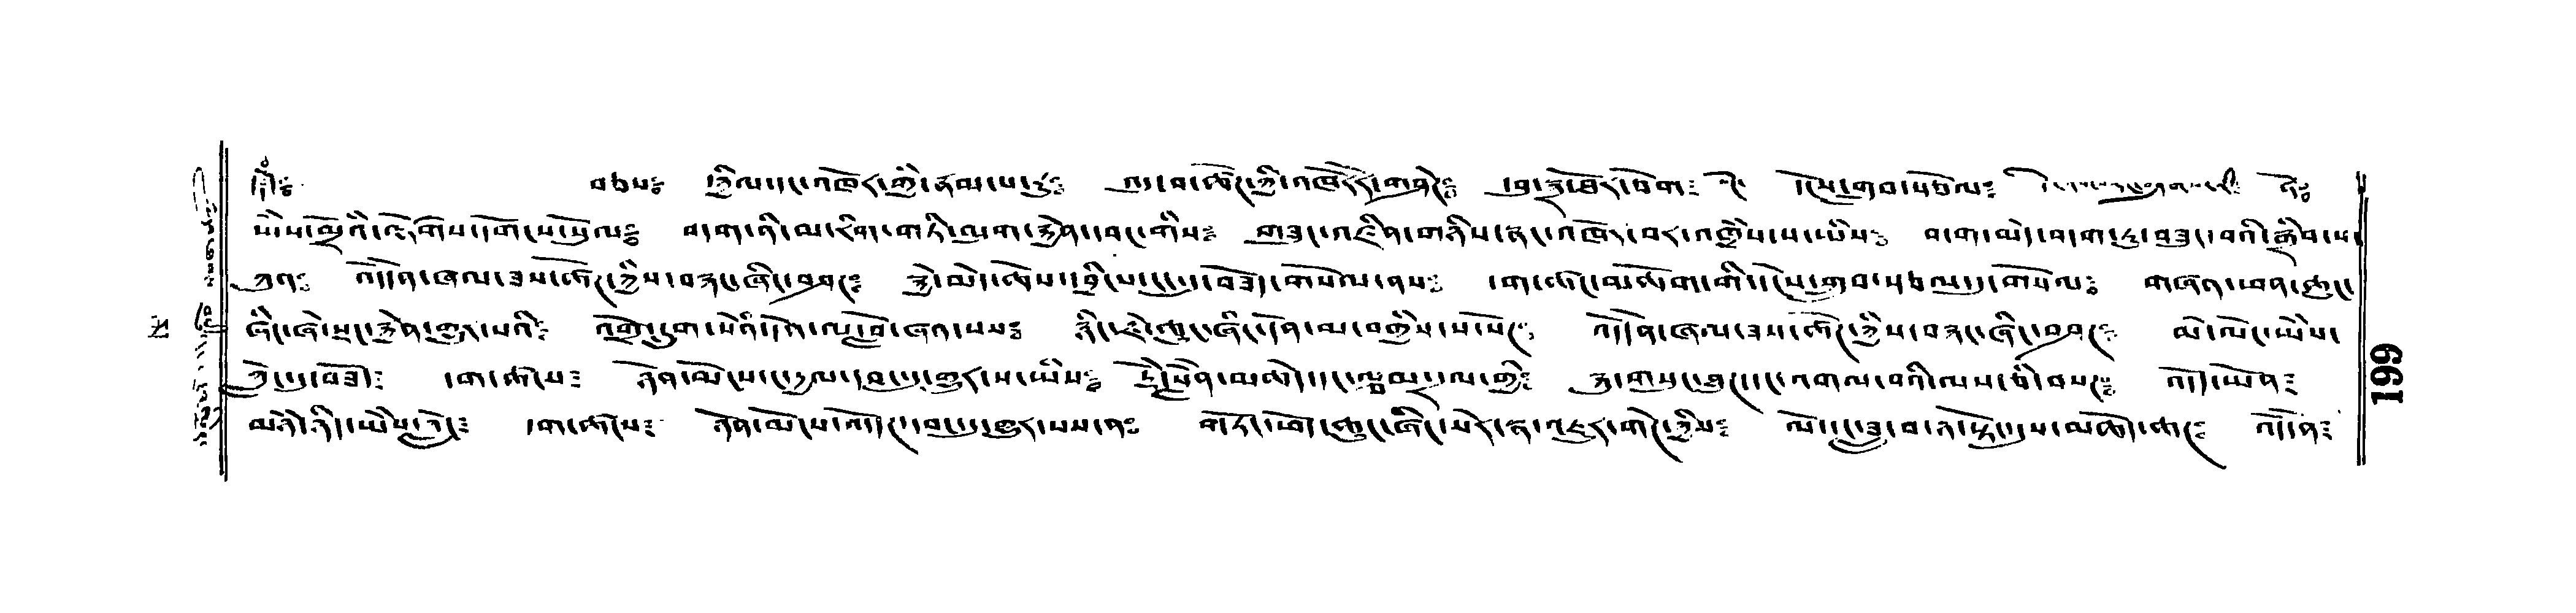བཅས༔ དཀྱིལ་དང་འཁོར་གྱི་རྣམ་པ་རུ༔ འདུ་བ་ཚོགས་ཀྱི་འཁོར་ལོར་གཤེགས༔ དབུ་སྐྲ་ཐོར་ཅོག་སོགས༔ དངོས་གྲུབ་སྩོལ༔ དེ་ནས་བསྐང་བཤགས་ནི༔ ཧོཿ 
ཡེ་ཤེས་མཁའ་འགྲོའི་ལྷ་ཚོགས་དགོངས་སུ་གསོལ༔ བདག་ནི་མ་རིག་གཏི་མུག་རྐྱེན་དབང་གིས༔ གཟུང་འཛིན་གཉིས་སྣང་འཁོར་བར་འཁྱམས་པ་ཡིས༔ བདག་མེད་བདག་ཏུ་བཟུང་བའི་སྒྲིབ་པ་
ཀུན༔འདོད་ཡོན་ཞལ་ཟས་ཚོགས་ཀྱིས་བསྐང་ཞིང་བཤགས༔ སྐྱེ་མེད་ཆོས་དབྱིངས་ངང་དུ་བཟོད་གསོལ་ནས༔ དག་ཚངས་མཆོག་གི་དངོས་གྲུབ་བསྩལ་དུ་གསོལ༔ གཞན་ཕན་ཆུང་
ཞིང་ཞེ་སྡང་རྐྱེན་གྱུར་པའི༔ འགྲོ་དྲུག་སེམས་ཅན་དོན་ལ་བློ་ཞན་པས༔ སྙིང་རྗེ་ཆུང་ཞིང་དོན་མ་བགྱིས་པ་སོགས༔ འདོད་ཡོན་ཞལ་ཟས་ཚོགས་ཀྱིས་བསྐང་ཞིང་བཤགས༔ མེ་ལོང་ཡེ་ཤེས་
ཀློང་དུ་བཟོད༴ དག་ཚངས༴ ཉོན་མོངས་ང་རྒྱལ་དབང་དུ་གྱུར་པ་ཡིས༔ རྡོ་རྗེ་སློབ་དཔོན་མཆེད་དང་ལྕམ་དྲལ་གྱི༔ སྐུ་གསུང་ཐུགས་དང་འགལ་བའི་ལས་ཅི་བསགས༔ འདོད་ཡོན༴ 
མཉམ་ཉིད་ཡེ་ཤེས་ཀློང༴ དག་ཚངས༴ ཉོན་མོངས་འདོད་ཆགས་དབང་དུ་གྱུར་པས་ན༔ གཏོང་ཕོད་ཆུང་ཞིང་སེར་སྣ་འཇུར་གེགས་ཀྱིས༔ ལོ་དང་ཟླ་བ་ཉ་སྟོང་དུས་མཆོད་ཆགས༔ འདོད་ཡོན༴